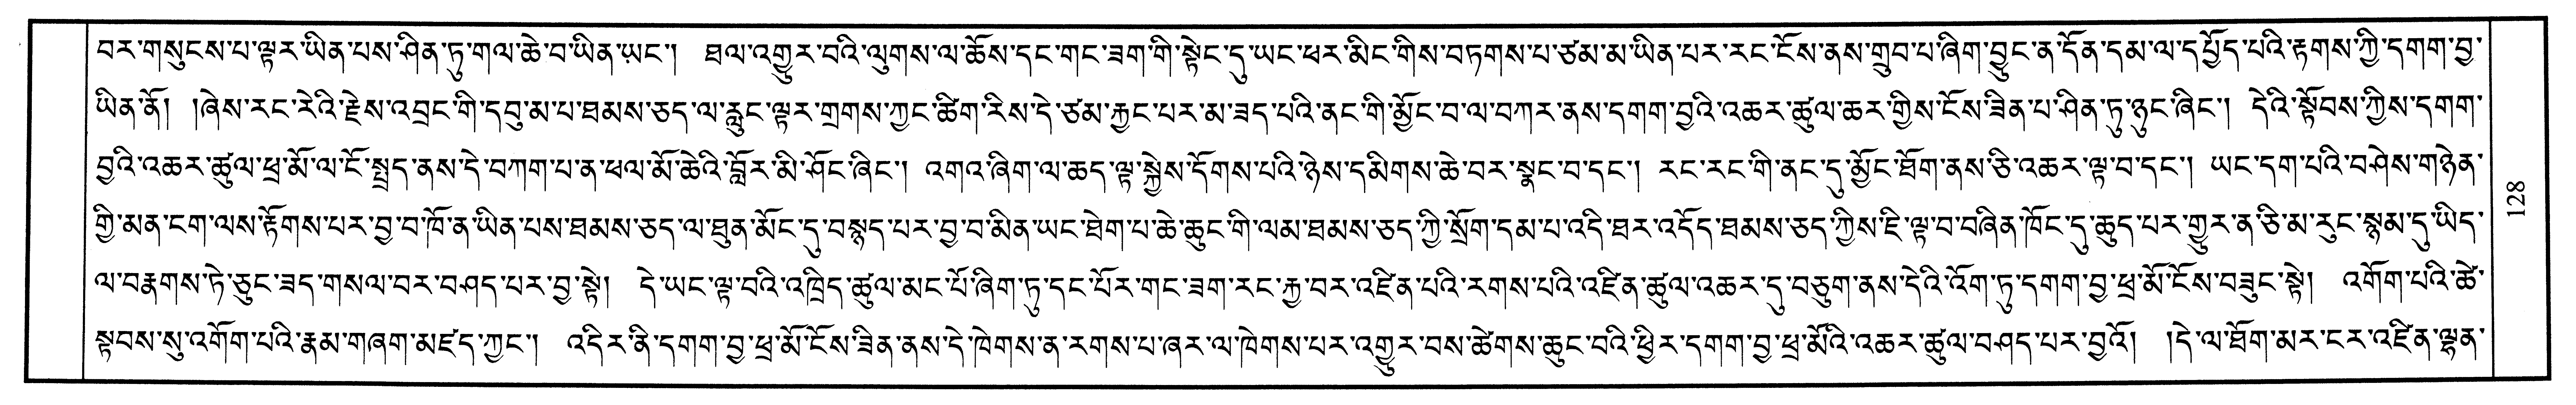བར་གསུངས་པ་ལྟར་ཡིན་པས་ཤིན་ཏུ་གལ་ཆེ་བ་ཡིན་ཡང་། ཐལ་འགྱུར་བའི་ལུགས་ལ་ཆོས་དང་གང་ཟག་གི་སྟེང་དུ་ཡང་ཕར་མིང་གིས་བཏགས་པ་ཙམ་མ་ཡིན་པར་རང་ངོས་ནས་གྲུབ་པ་ཞིག་བྱུང་ན་དོན་དམ་ལ་དཔྱོད་པའི་རྟགས་ཀྱི་དགག་བྱ་
ཡིན་ནོ། །ཞེས་རང་རེའི་རྗེས་འབྲང་གི་དབུ་མ་པ་ཐམས་ཅད་ལ་རླུང་ལྟར་གྲགས་ཀྱང་ཚིག་རིས་དེ་ཙམ་རྐྱང་པར་མ་ཟད་པའི་ནང་གི་མྱོང་བ་ལ་བཀར་ནས་དགག་བྱའི་འཆར་ཚུལ་ཆར་གྱིས་ངོས་ཟིན་པ་ཤིན་ཏུ་ཉུང་ཞིང་། དེའི་སྟོབས་ཀྱིས་དགག་
བྱའི་འཆར་ཚུལ་ཕྲ་མོ་ལ་ངོ་སྤྲད་ནས་དེ་བཀག་པ་ན་ཕལ་མོ་ཆེའི་བློར་མི་ཤོང་ཞིང་། འགའ་ཞིག་ལ་ཆད་ལྟ་སྐྱེས་དོགས་པའི་ཉེས་དམིགས་ཆེ་བར་སྣང་བ་དང་། རང་རང་གི་ནང་དུ་མྱོང་ཐོག་ནས་ཅི་འཆར་ལྟ་བ་དང་། ཡང་དག་པའི་བཤེས་གཉེན་
གྱི་མན་ངག་ལས་རྟོགས་པར་བྱ་བ་ཁོ་ན་ཡིན་པས་ཐམས་ཅད་ལ་ཐུན་མོང་དུ་བསྙད་པར་བྱ་བ་མིན་ཡང་ཐེག་པ་ཆེ་ཆུང་གི་ལམ་ཐམས་ཅད་ཀྱི་སྲོག་དམ་པ་འདི་ཐར་འདོད་ཐམས་ཅད་ཀྱིས་ཇི་ལྟ་བ་བཞིན་ཁོང་དུ་ཆུད་པར་གྱུར་ན་ཅི་མ་རུང་སྙམ་དུ་ཡིད་
ལ་བརྣགས་ཏེ་ཅུང་ཟད་གསལ་བར་བཤད་པར་བྱ་སྟེ། དེ་ཡང་ལྟ་བའི་འཁྲིད་ཚུལ་མང་པོ་ཞིག་ཏུ་དང་པོར་གང་ཟག་རང་རྐྱ་བར་འཛིན་པའི་རགས་པའི་འཛིན་ཚུལ་འཆར་དུ་བཅུག་ནས་དེའི་འོག་ཏུ་དགག་བྱ་ཕྲ་མོ་ངོས་བཟུང་སྟེ། འགོག་པའི་ཚེ་
སྟབས་སུ་འགོག་པའི་རྣམ་གཞག་མཛད་ཀྱང་། འདིར་ནི་དགག་བྱ་ཕྲ་མོ་ངོས་ཟིན་ནས་དེ་ཁེགས་ན་རགས་པ་ཞར་ལ་ཁེགས་པར་འགྱུར་བས་ཚེགས་ཆུང་བའི་ཕྱིར་དགག་བྱ་ཕྲ་མོའི་འཆར་ཚུལ་བཤད་པར་བྱའོ། །དེ་ལ་ཐོག་མར་ངར་འཛིན་ལྷན་